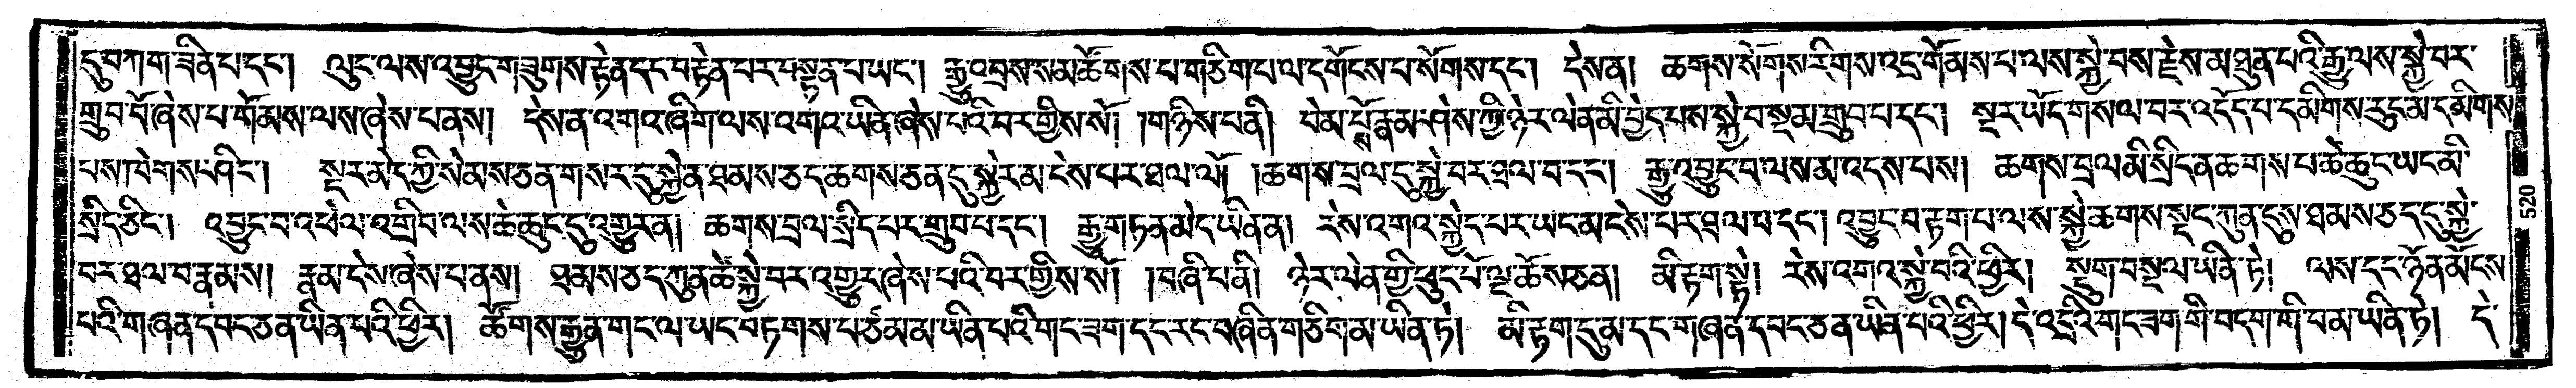དུ་བཀག་ཟིན་པ་དང་། ལུང་ལས་འབྱུང་གཟུགས་རྟེན་དང་བརྟེན་པར་བསྟན་པ་ཡང་། རྒྱུ་འབྲས་སམ་ཚོགས་པ་གཅིག་པ་ལ་དགོངས་པ་སོགས་དང་། དེས་ན། ཆགས་སོགས་རིགས་འདྲ་གོམས་པ་ལས་སྐྱེ་བས་རྗེས་མཐུན་པའི་རྒྱུ་ལས་སྐྱེ་བར་
གྲུབ་བོ་ཞེས་པ་གོམས་ལས་ཞེས་པ་ནས། དེས་ན་འགའ་ཞིག་ལས་འགའ་ཡིན་ཞེས་པའི་བར་གྱིས་སོ། །གཉིས་པ་ནི། བེམ་པོས་རྣམ་ཤེས་ཀྱི་ཉེར་ལེན་མི་བྱེད་པས་སྐྱེ་བ་སྔ་མ་གྲུབ་པ་དང་། སྔར་ཡོད་གསལ་བར་འདོད་པ་དམིགས་རུང་མ་དམིགས་
པས་ཁེགས་ཤིང་། སྔར་མེད་ཀྱི་སེམས་ཅན་གསར་དུ་སྐྱེ་ན་ཐམས་ཅད་ཆགས་ཅན་དུ་སྐྱེར་མ་ངེས་པར་ཐལ་ལོ། །ཆགས་བྲལ་དུ་སྐྱེ་བར་ཐལ་བ་དང་། རྒྱུ་འབྱུང་བ་ལས་མ་འདས་པས། ཆགས་བྲལ་མི་སྲིད་ན་ཆགས་པ་ཆེ་ཆུང་ཡང་མི་
སྲིད་ཅིང་། འབྱུང་བ་འཕེལ་འགྲིབ་ལས་ཆེ་ཆུང་དུ་འགྱུར་ན། ཆགས་བྲལ་སྲིད་པར་གྲུབ་པ་དང་། རྒྱུ་གཏན་མེད་ཡིན་ན། རེས་འགའ་སྐྱེད་པར་ཡང་མ་ངེས་པར་ཐལ་བ་དང་། འབྱུང་བ་རྟག་པ་ལས་སྐྱེ་ཆགས་སྡང་ཀུན་དུས་ཐམས་ཅད་དུ་སྐྱེ་
བར་ཐལ་བ་རྣམས། རྣམ་དེས་ཞེས་པ་ནས། ཐམས་ཅད་ཀུན་ཚེ་སྐྱེ་བར་འགྱུར་ཞེས་པའི་བར་གྱིས་སོ། །བཞི་པ་ནི། ཉེར་ལེན་གྱི་ཕུང་པོ་ལྔ་ཆོས་ཅན། མི་རྟག་སྟེ། རེས་འགའ་སྐྱེ་བའི་ཕྱིར། སྡུག་བསྔལ་ཡིན་ཏེ། ལས་དང་ཉོན་མོངས་
པའི་གཞན་དབང་ཅན་ཡིན་པའི་ཕྱིར། ཚོགས་རྒྱུན་གང་ལ་ཡང་བཏགས་པ་ཙམ་མ་ཡིན་པའི་གང་ཟག་དང་རང་བཞིན་གཅིག་མ་ཡིན་ཏེ། མི་རྟག་དུ་མ་དང་གཞན་དབང་ཅན་ཡིན་པའི་ཕྱིར། དེ་འདྲའི་གང་ཟག་གི་བདག་གི་བ་མ་ཡིན་ཏེ། དེ་